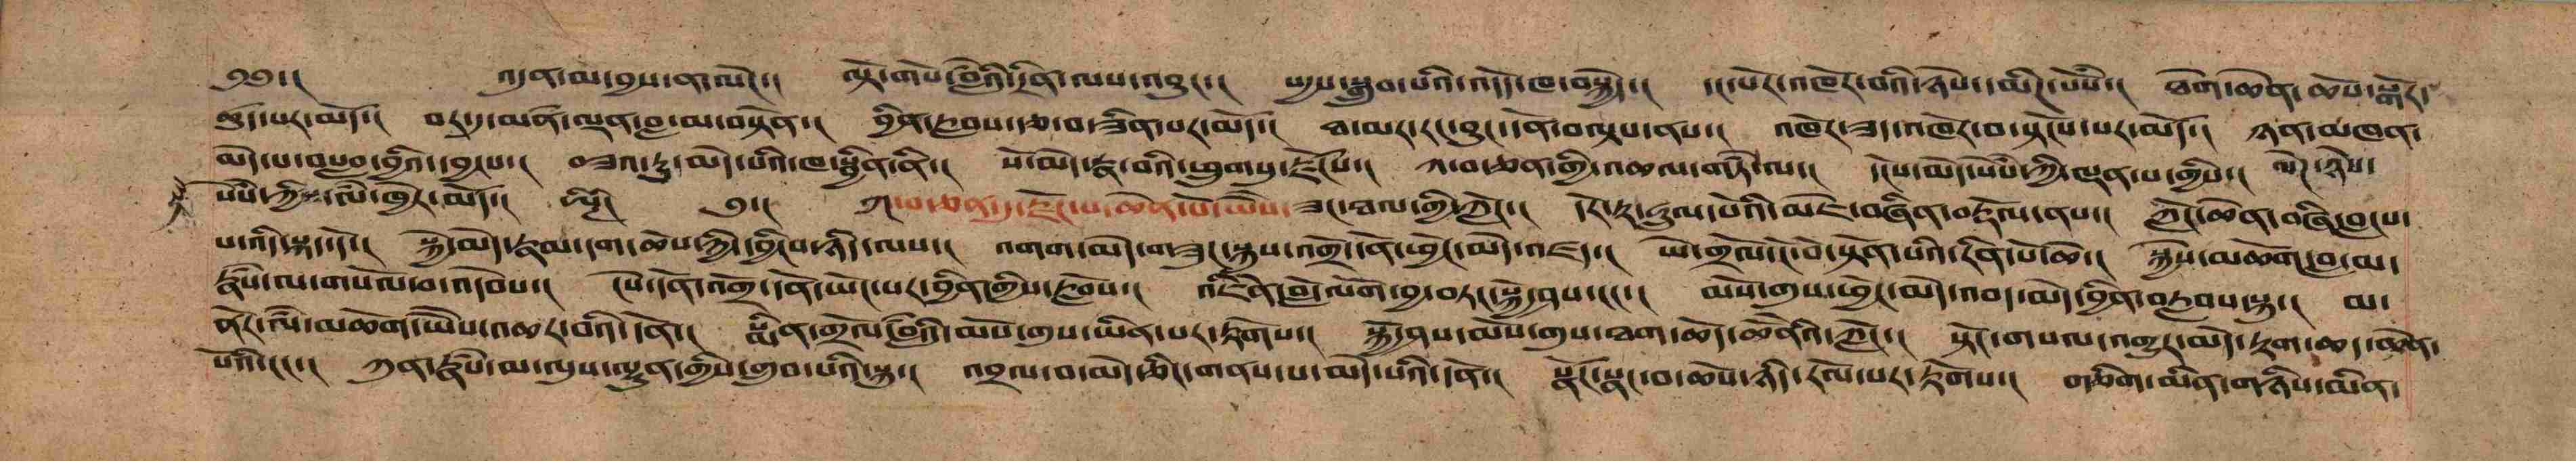༄༅།། འདུན་མ་བྱས་ན་ལོང་།། ལྟོ་གོས་བླ་མའི་དྲིན་ལས་འབྱུང་།། སངས་རྒྱས་བསྒྲུབ་པའི་འདོད་ཁ་བསྐྱེད།། དང་པོར་འཁོར་བའི་ཉེས་དམིགས་སེམས།། ཐེག་ཆེན་ཆོས་སྒོར་
ཚུད་པར་མཛོད།། བར་དུ་མཚན་ལྡན་བླ་མ་བསྟེན།། བྱིན་རླབས་རྩ་བ་ཟིན་པར་མཛོད།། ཐ་མར་རང་བྱུང་དོན་བལྟས་ནས།། འཁོར་ཟད་འཁོར་བ་སྟོངས་པར་མཛོད།། ཉན་མཁན་
མེད་པ་བསླབ་བྱའི་དབྱངས།། བཟའ་རྒྱུ་མེད་པའི་ཁ་སྦྱིན་ནི།། སོ་མེད་རྣ་བའི་ཕྲུགས་སུ་རྫོངས།། ཀ་བ་ཅན་གྱི་འཆལ་གཏམ་ལ།། དངོས་མེད་སེམས་ཀྱི་ལྡན་པ་གྱིས།། ལེགས་ཉེས་
སེམས་ཀྱིས་མི་ཁྱེར་མཛོད།། ཨིཊི།། ༄་། ཀ་བ་ཅན་དུ་རྫོགས་པ་ཆེན་པོ་ཡེ་ཤེས་ཟང་ཐལ་གྱི་ཀློང་།། དོར་རྟ་ཧྲུལ་པོའི་མཇེ་བཞིན་བརྡོལ་ནས།། ཀློང་ཆེན་བཞི་བླངས་
པ་འདི་སྐད་དོ།། སྐྱེ་མེད་རྣམ་དག་ཆོས་ཀྱི་དབྱིངས་ཉིད་ལས།། འགག་མེད་གཟུགས་སྐུས་འགྲོ་དོན་ཕྱོགས་མེད་མཛད།། ཡེ་གྲོལ་ངོ་བོ་སྟོན་པའི་རིན་པོ་ཆེ།། སྐྱེས་མཆོག་བླ་མ་
རྣམས་ལ་གསོལ་བ་འདེབས།། ངེས་དོན་འགྲོ་དོན་ཡོང་བར་བྱིན་གྱིས་རློབས།། འཇིག་རྟེན་བློ་ལོག་བྱ་བཏང་སྐྱོ་ཤས་ངང་།། མོས་གུས་ཕྱོགས་མེད་འབད་མེད་བྱིན་རླབས་སྐུ།། མ་
ནོར་ལམ་མཆོག་ཡེ་ཤེས་འཆར་བའི་དོན།། སྨིན་གྲོལ་བླ་མའི་མོས་གུས་ཡིན་པར་རྟོགས།། སྐྱོ་ཤས་མོས་གུས་ཐག་ཆོད་ཆེན་པོའི་ཀློང་།། སྟོང་གསལ་འགྱུར་མེད་རྟག་ཆད་ཆེན་
པོའི་ངང་།། ཀུན་རྣམས་མ་ལུས་ལྷུན་གྱིས་གྲུབ་པའི་སྐུ།། འབྲལ་བ་མེད་ཅིང་གནས་པ་མེད་པའི་དོན།། སྣ་ཚོགས་སྣང་བ་ཆོས་ཉིད་རོལ་པར་རྟོགས།། གཅིག་མིན་གཉིས་མིན་